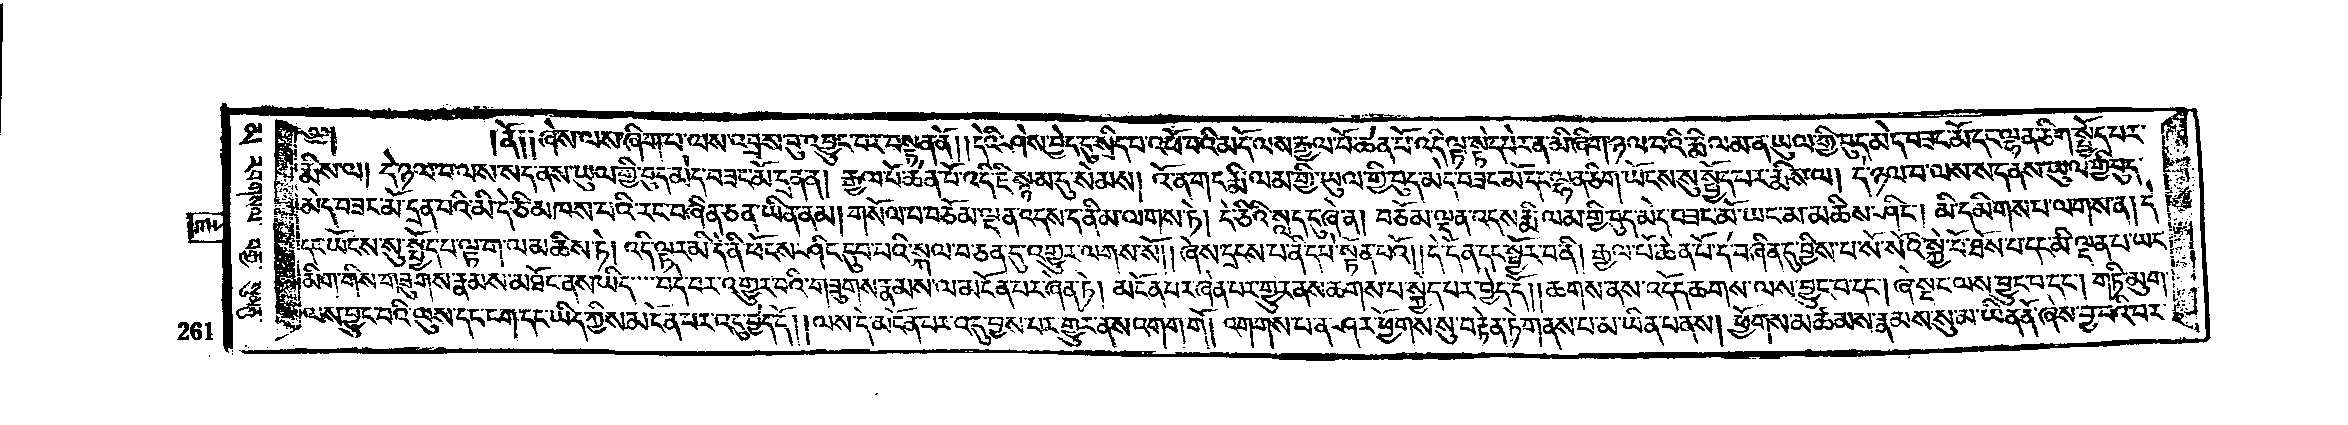༄༅། །ནོ། །ཞེས་ལས་ཞིག་པ་ལས་འབྲས་བུ་འབྱུང་བར་བསྟན་ནོ། །དེའི་ཤེས་བྱེད་དུ་སྲིད་པ་འཕོ་བའི་མདོ་ལས་རྒྱལ་པོ་ཆེན་པོ་འདི་ལྟ་སྟེ་དཔེར་ན་མི་ཞིག་ཉལ་བའི་རྨི་ལམ་ན་ཡུལ་གྱི་བུད་མེད་བཟང་མོ་དང་ལྷན་ཅིག་སྤྱོད་པར་
རྨིས་ལ། དེ་ཉལ་བ་ལས་སད་ནས་ཡུལ་གྱི་བུད་མེད་བཟང་མོ་དྲན་ན། རྒྱལ་པོ་ཆེན་པོ་འདི་ཇི་སྙམ་དུ་སེམས། འོ་ན་གང་རྨི་ལམ་གྱི་ཡུལ་གྱི་བུད་མེད་བཟང་མོ་དང་ལྷན་ཅིག་ཡོངས་སུ་སྤྱོད་པར་རྨིས་ལ། དེ་ཉལ་བ་ལས་སད་ནས་ཡུལ་གྱི་བུད་
མེད་བཟང་མོ་དྲན་པའི་མི་དེ་ཅི་མཁས་པའི་རང་བཞིན་ཅན་ཡིན་ནམ། གསོལ་པ་བཅོམ་ལྡན་འདས་ད་ནི་མ་ལགས་ཏེ། དེ་ཅིའི་སླད་དུ་ཞེ་ན། བཅོམ་ལྡན་འདས་རྨི་ལམ་གྱི་བུད་མེད་བཟང་མོ་ཡང་མ་མཆིས་ཤིང་། མི་དམིགས་པ་ལགས་ན། དེ་
དང་ཡོངས་སུ་སྤྱོད་པ་ལྟ་ག་ལ་མཆིས་ཏེ། འདི་ལྟར་མི་དེ་ནི་ཕོངས་ཤིང་དུབ་པའི་སྐལ་བ་ཅན་དུ་འགྱུར་ལགས་སོ། །ཞེས་དྲངས་པ་ནི་དཔེ་སྟོན་པའོ། །དེ་དོན་དང་སྦྱོར་བ་ནི། རྒྱལ་པོ་ཆེན་པོ་དེ་བཞིན་དུ་བྱིས་པ་སོ་སོའི་སྐྱེ་བོ་ཐོས་པ་དང་མི་ལྡན་པ་ཡང་
མིག་གིས་གཟུགས་རྣམས་མཐོང་ནས་ཡིད་བདེ་བར་འགྱུར་བའི་གཟུགས་རྣམས་ལ་མངོན་པར་ཞེན་ཏེ། མངོན་པར་ཞེན་པར་གྱུར་ནས་ཆགས་པ་སྐྱེད་པར་བྱེད་དོ། །ཆགས་ནས་འདོད་ཆགས་ལས་བྱུང་བ་དང་། ཞེ་སྡང་ལས་བྱུང་བ་དང་། གཏི་མུག་
ལས་བྱུང་བའི་ལུས་དང་ངག་དང་ཡིད་ཀྱིས་མངོན་པར་འདུ་བྱེད་དོ། །ལས་དེ་མངོན་པར་འདུ་བྱས་པར་གྱུར་ནས་འགག་གོ །འགགས་པ་ན་ཤར་ཕྱོགས་སུ་བརྟེན་ཏེ་གནས་པ་མ་ཡིན་པ་ནས། ཕྱོགས་མཚམས་རྣམས་སུ་མ་ཡིན་ནོ་ཞེས་བྱ་བའི་བར་